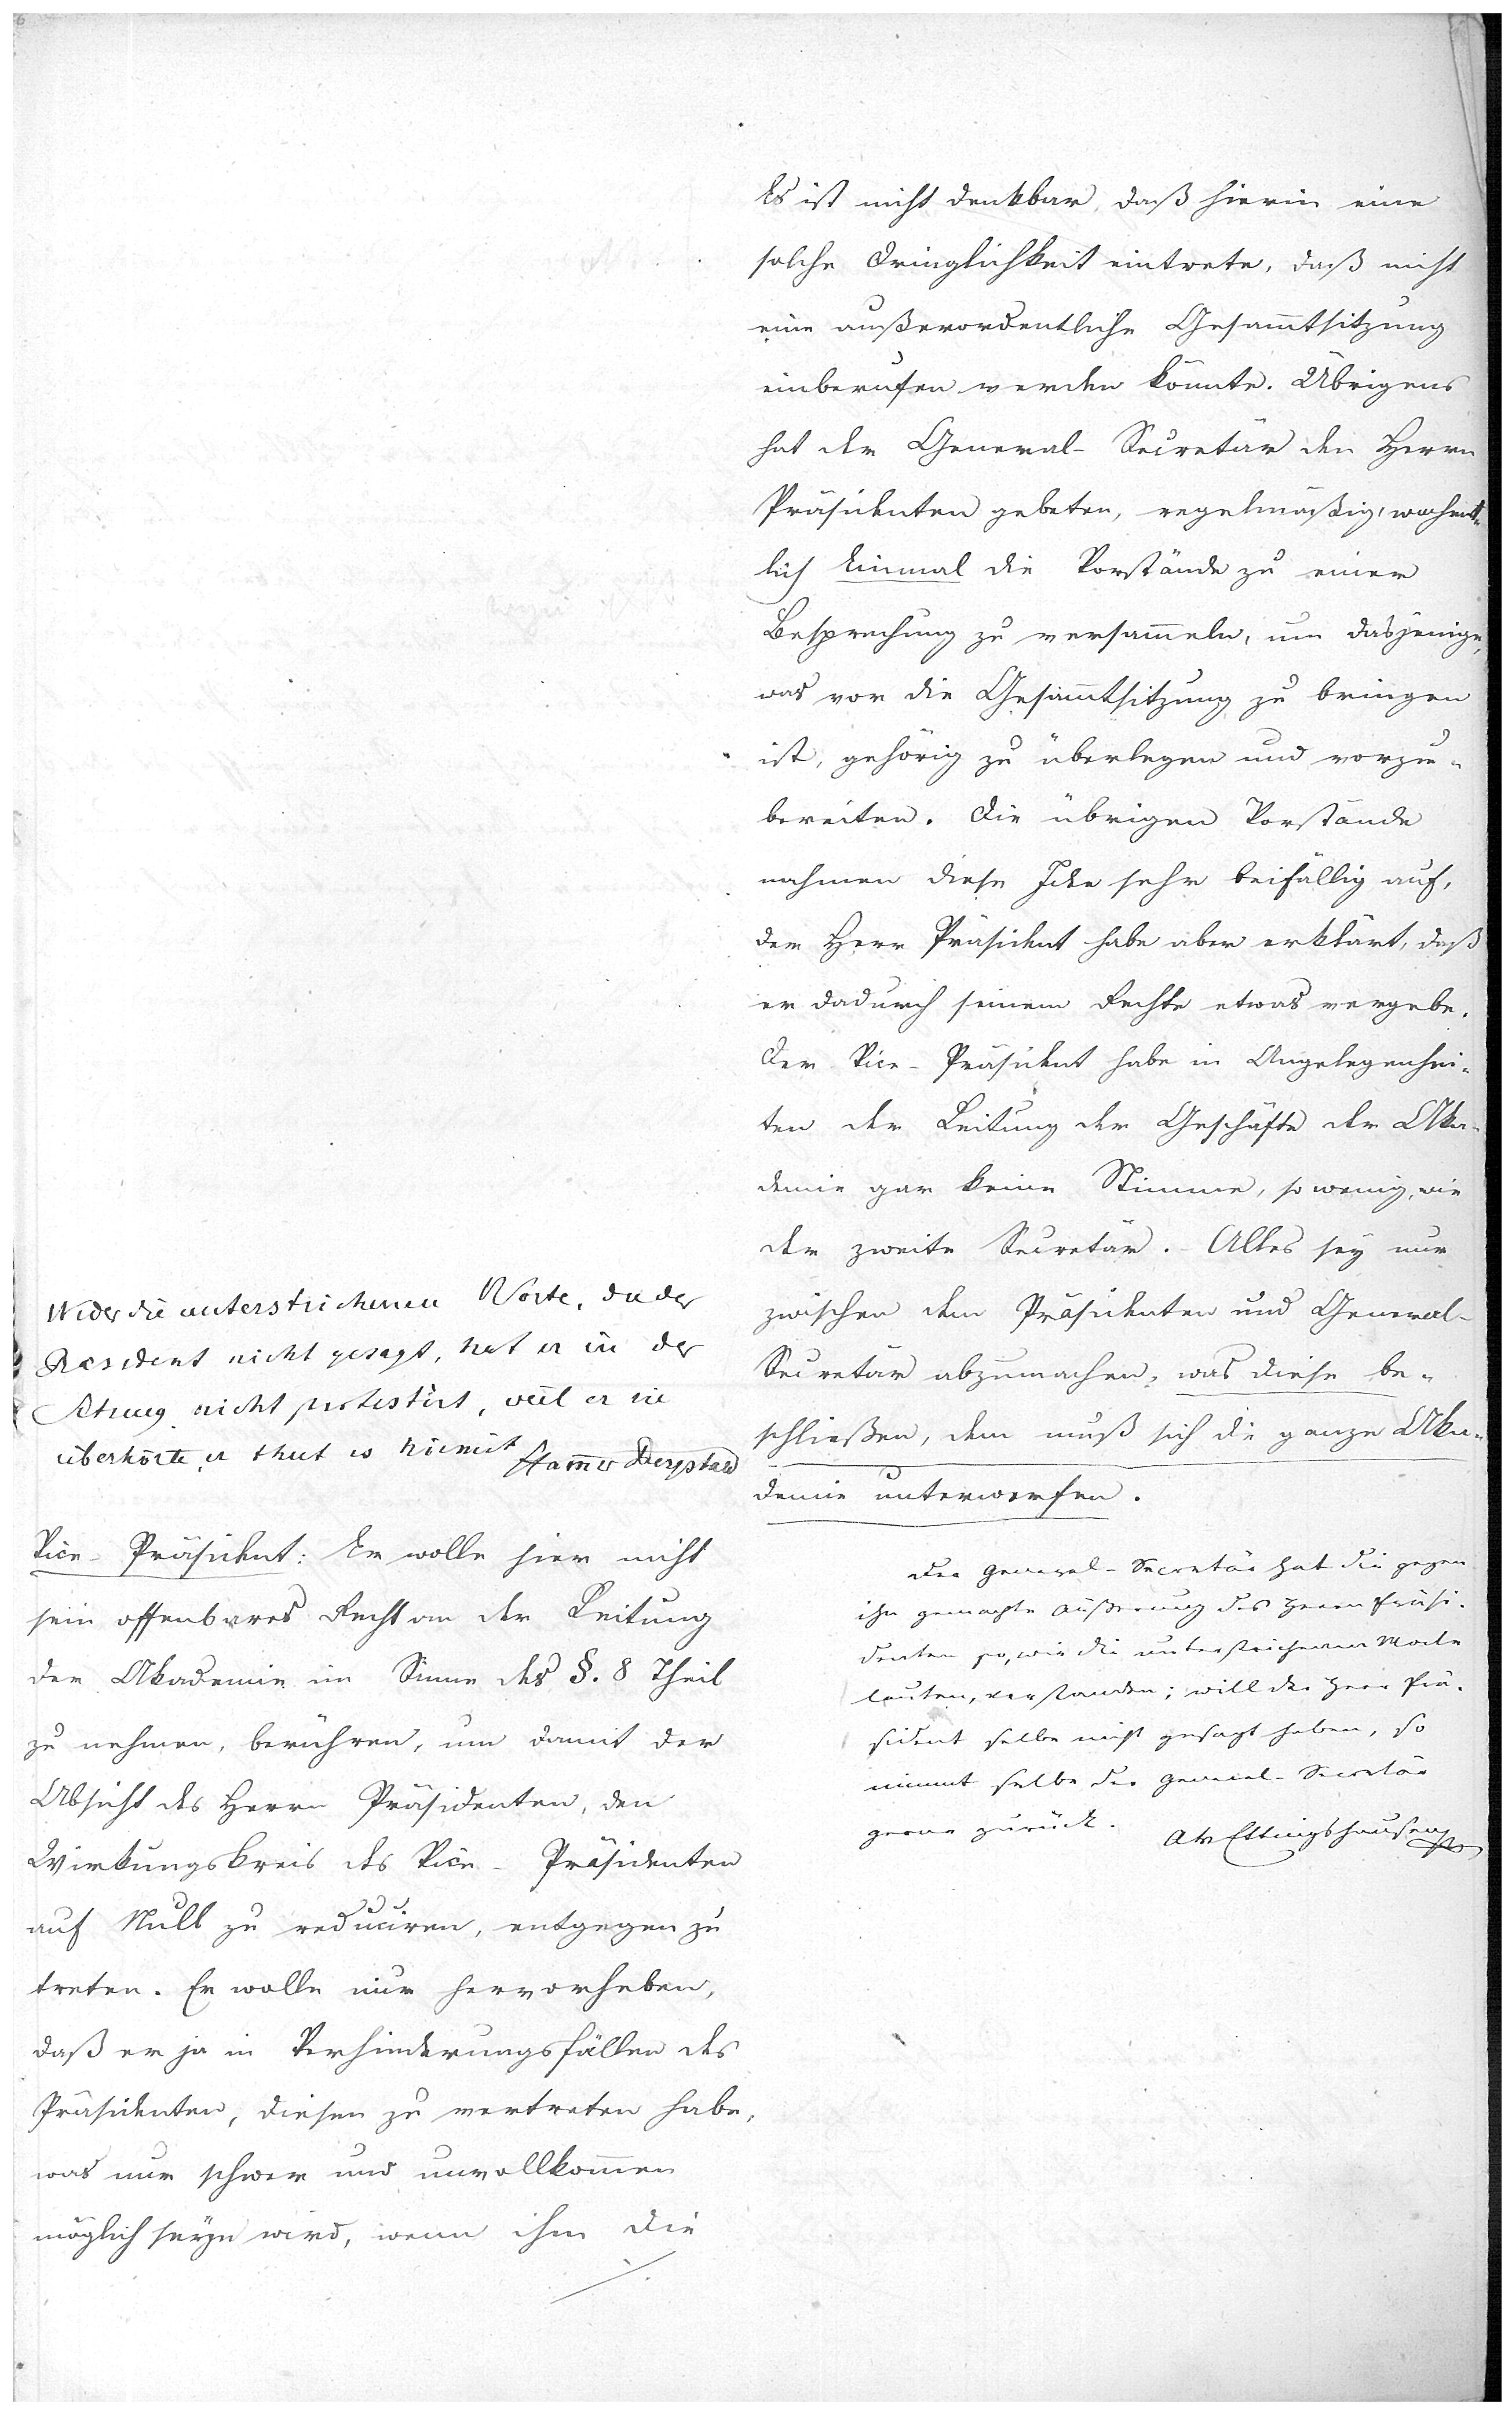Es ist nicht denkbar, daß hierin eine
solche Dringlichkeit eintrete, daß nicht
eine außerordentliche Gesammtsitzung
einberufen werden könnte. Übrigens
hat der General-Secretär den Herrn
Präsidenten gebeten, regelmäßig wöchent-
lich Einmal die Vorstände zu einer
Besprechung zu versammeln, um dasjenige,
was vor der Gesammtsitzung zu bringen
ist, gehörig zu überlegen und vorzu
bereiten. Die übrigen Vorstände
nahmen diese Idee sehr beifällig auf,
Der Herr Präsident habe aber erklärt, daß
er dadurch seinem Rechte etwas vergebe.
Der Vice-Präsident habe in Angelegenhei-
ten der Leitung der Geschäfte der Aka-
demie gar keine Stimme, so wenig, wie
der zweite Secretär. Alles sey nur
zwischen dem Präsidenten und General-
Secretär anzumache, was diese be-
schließen, dem muß sich die ganze Aka-
demie unterwerfen.
Wider die unterstrichenen Worte, da der
Praesident nicht gesagt, hat er in der
Sitzung nicht protestirt, weil er sie
überhörte, er thut es hiemit Hammer-Purgstall
Vice-Präsident: Er wolle hier nicht
sein offenbares Recht an der Leitung
der Akademie im Sinne des §. 8 Theil
zu nehmen, berühren, um damit der
Absicht des Herrn Präsidenten, den
Wirkungskreis des Vice-Präsidenten
auf Null zu reduciren, entgegen zu
treten. Er wolle nur hervorheben,
daß er ja in Verhinderungsfällen des
Präsidenten, diesen zu vertreten habe.
was nur schwer und unvollkommen
möglich seyn wird, wenn ihm die
Der General-Secretär hat die gegen
ihn gemachte Äußerung des Herrn Präsi-
denten so, wie die unterstrichenen Worte
lauten, verstanden; will der Herr Prä-
sident selbe nicht gesagt haben, so
nimmt selbe der General-Secretär
gerne zurück. AvEttingshausen